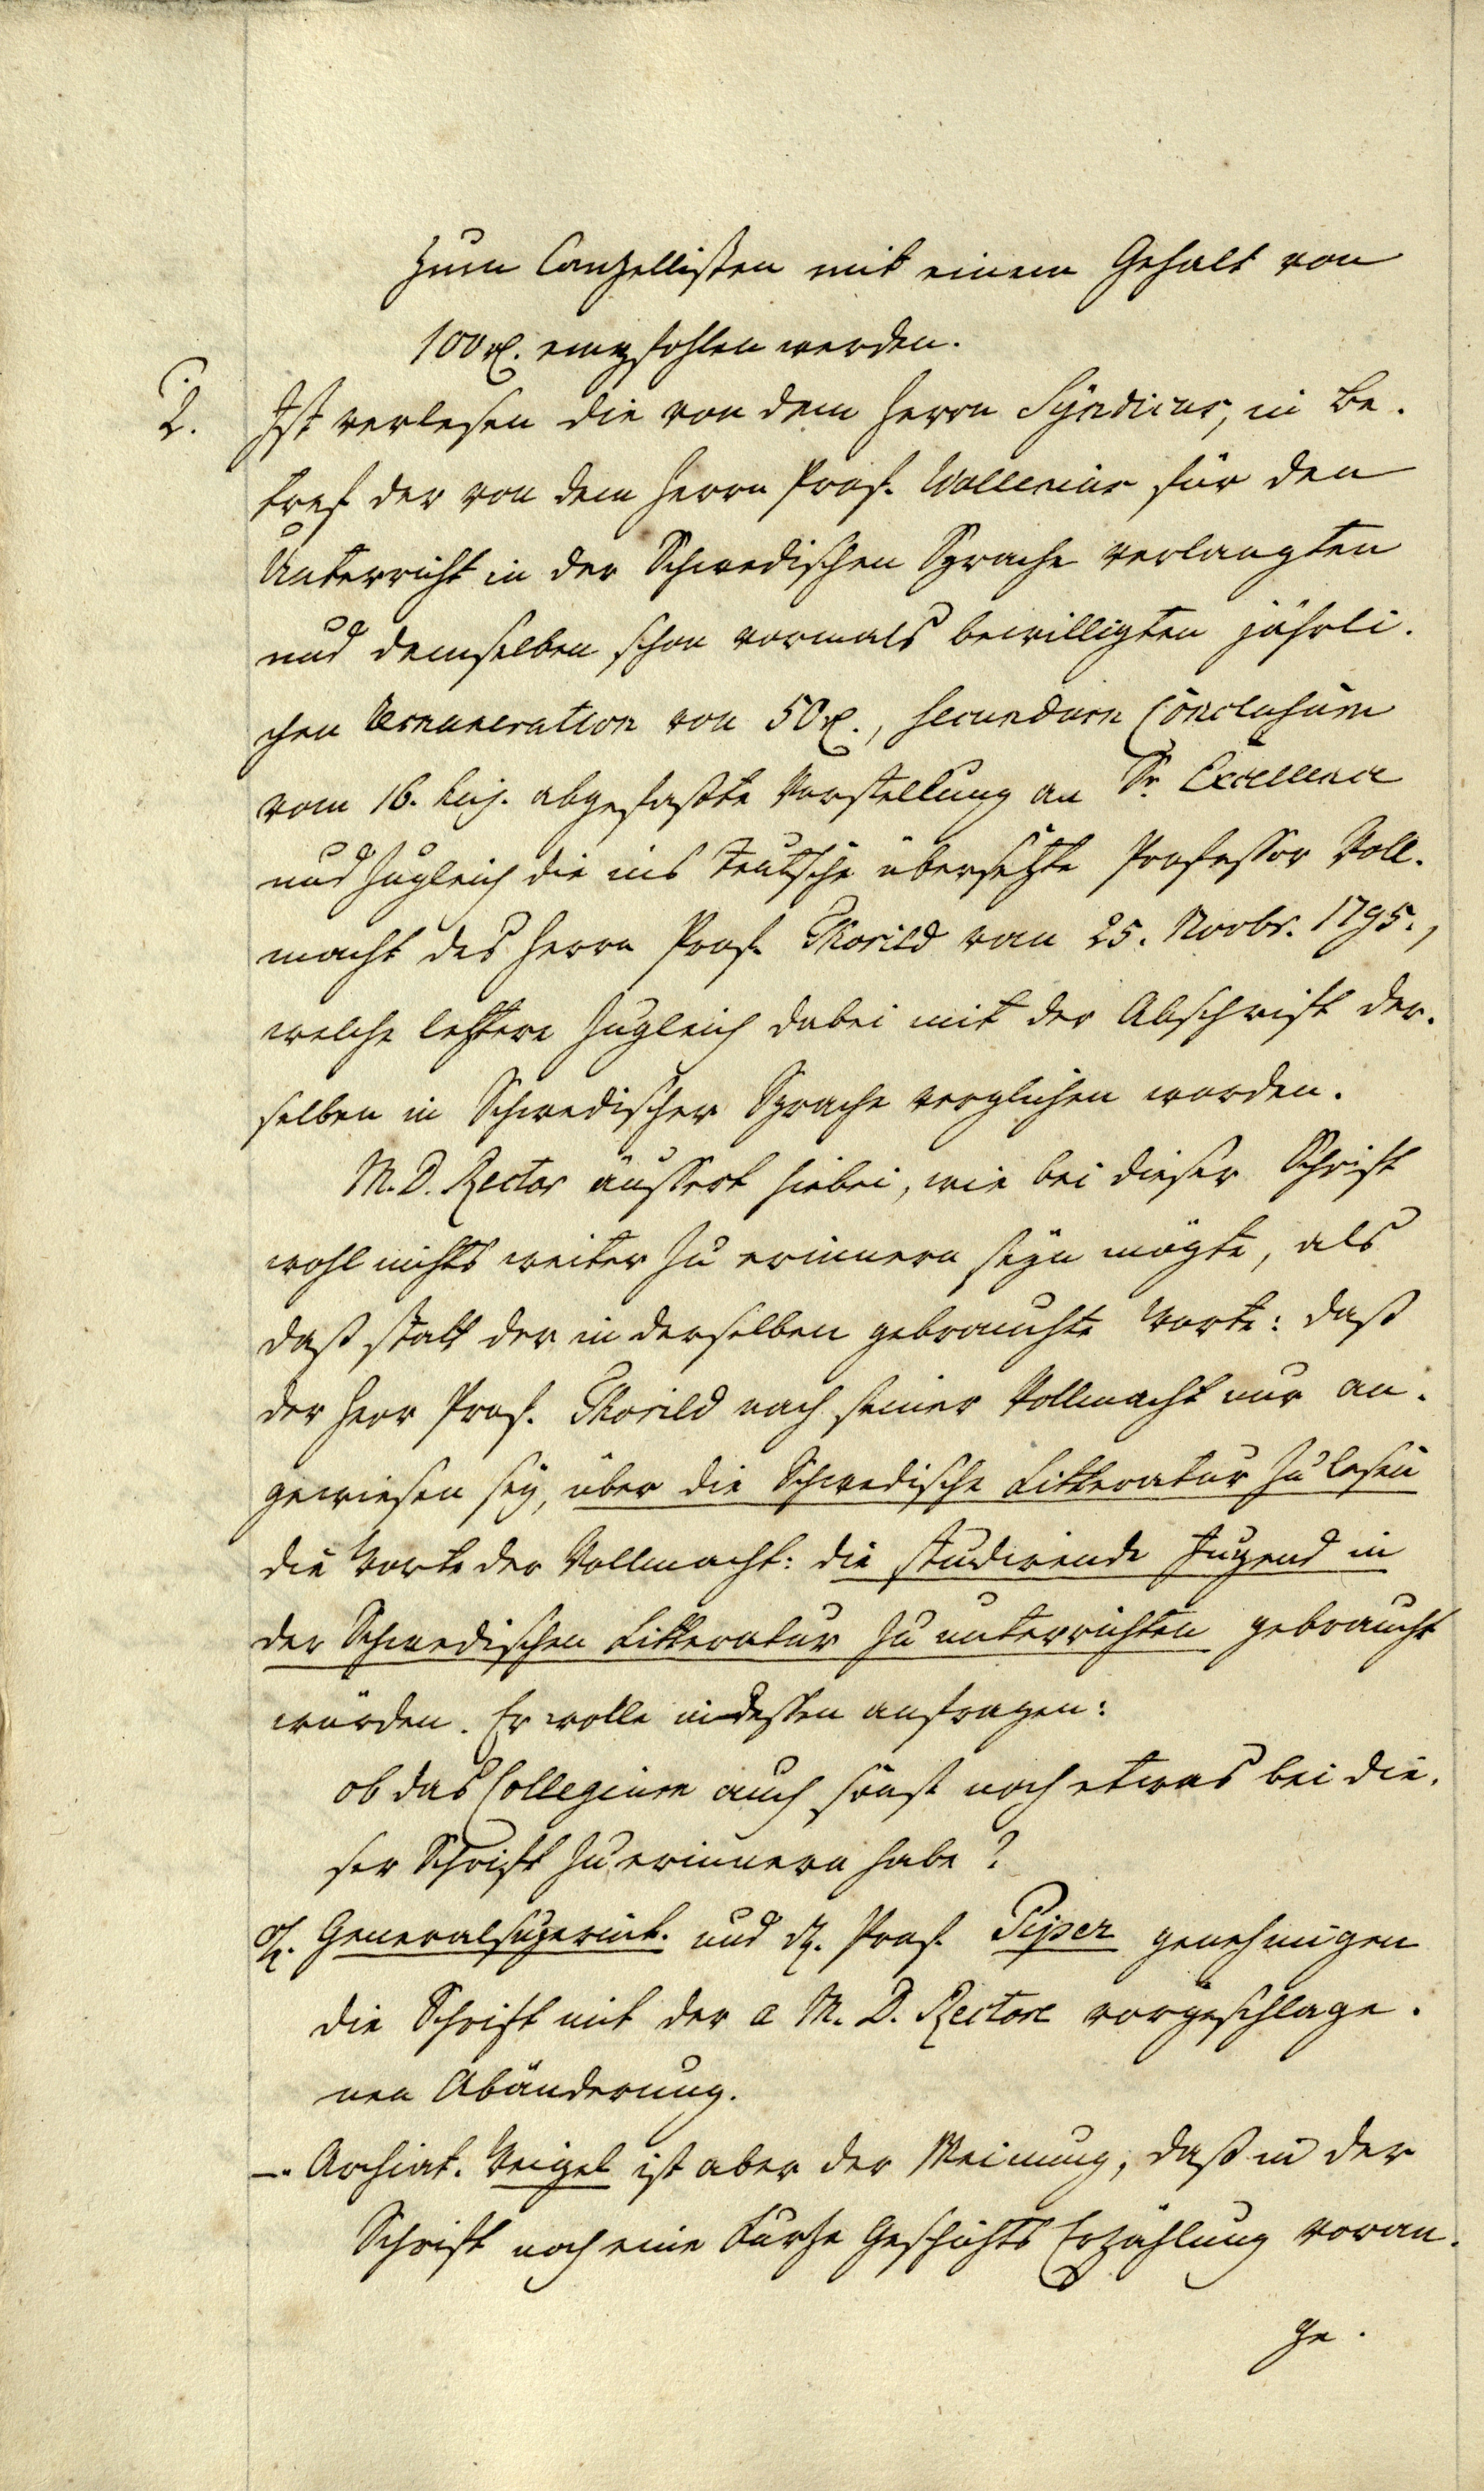zum Canzellisten mit einem Gehalt von
100 rl. empfohlen werden.
2. Ist verlesen die von dem Herrn Sÿndicus, in Be¬
tref der von dem Herrn Prof. Wallenius für den
Unterricht in der Schwedischen Sprache verlangten
und demselben schon vormals bewilligten jährli¬
chen Remuneration von 5 rl. secundum Conclusum
vom 16. huj. abgefaßte Vorstellung an Sr. Excellence
und zugleich die ins Teutsche übersetzte Professor Voll¬
macht des Herrn Prof. Thorild vom 25. Novbr. 1795.,
welche letztere zugleich dabei mit der Abschrift der¬
selben in Schwedischer Sprache verglichen worden.
M. D. Rector äussert hiebei, wie bei dieser Schrift
wohl nichts weiter zu erinnern seÿn mögte, als
daß statt der in derselben gebrauchte Worten: daß
der Herr Prof. Thorild nach seiner Vollmacht nur an¬
gewiesen seÿ, über die Schwedische Litteratur zu lesen
die Worte der Vollmacht: die studirende Jugend in
der Schwedischen Litteratur zu unterrichten gebraucht
würden. Er wolle indessen anfragen:
ob das Collegium auch sonst noch etwas bei die¬
ser Schrift zu erinnern habe ?
dh. Generalsuperint. und dh. Prof. Piper genehmigen
die Schrift mit der a M. D. Rector vorgeschlage¬
nen Abänderumg.
Archiat. Weigel ist aber der Meinung, daß in der
Schrift noch eine kurze Geschichts Erzählung voran¬
ge